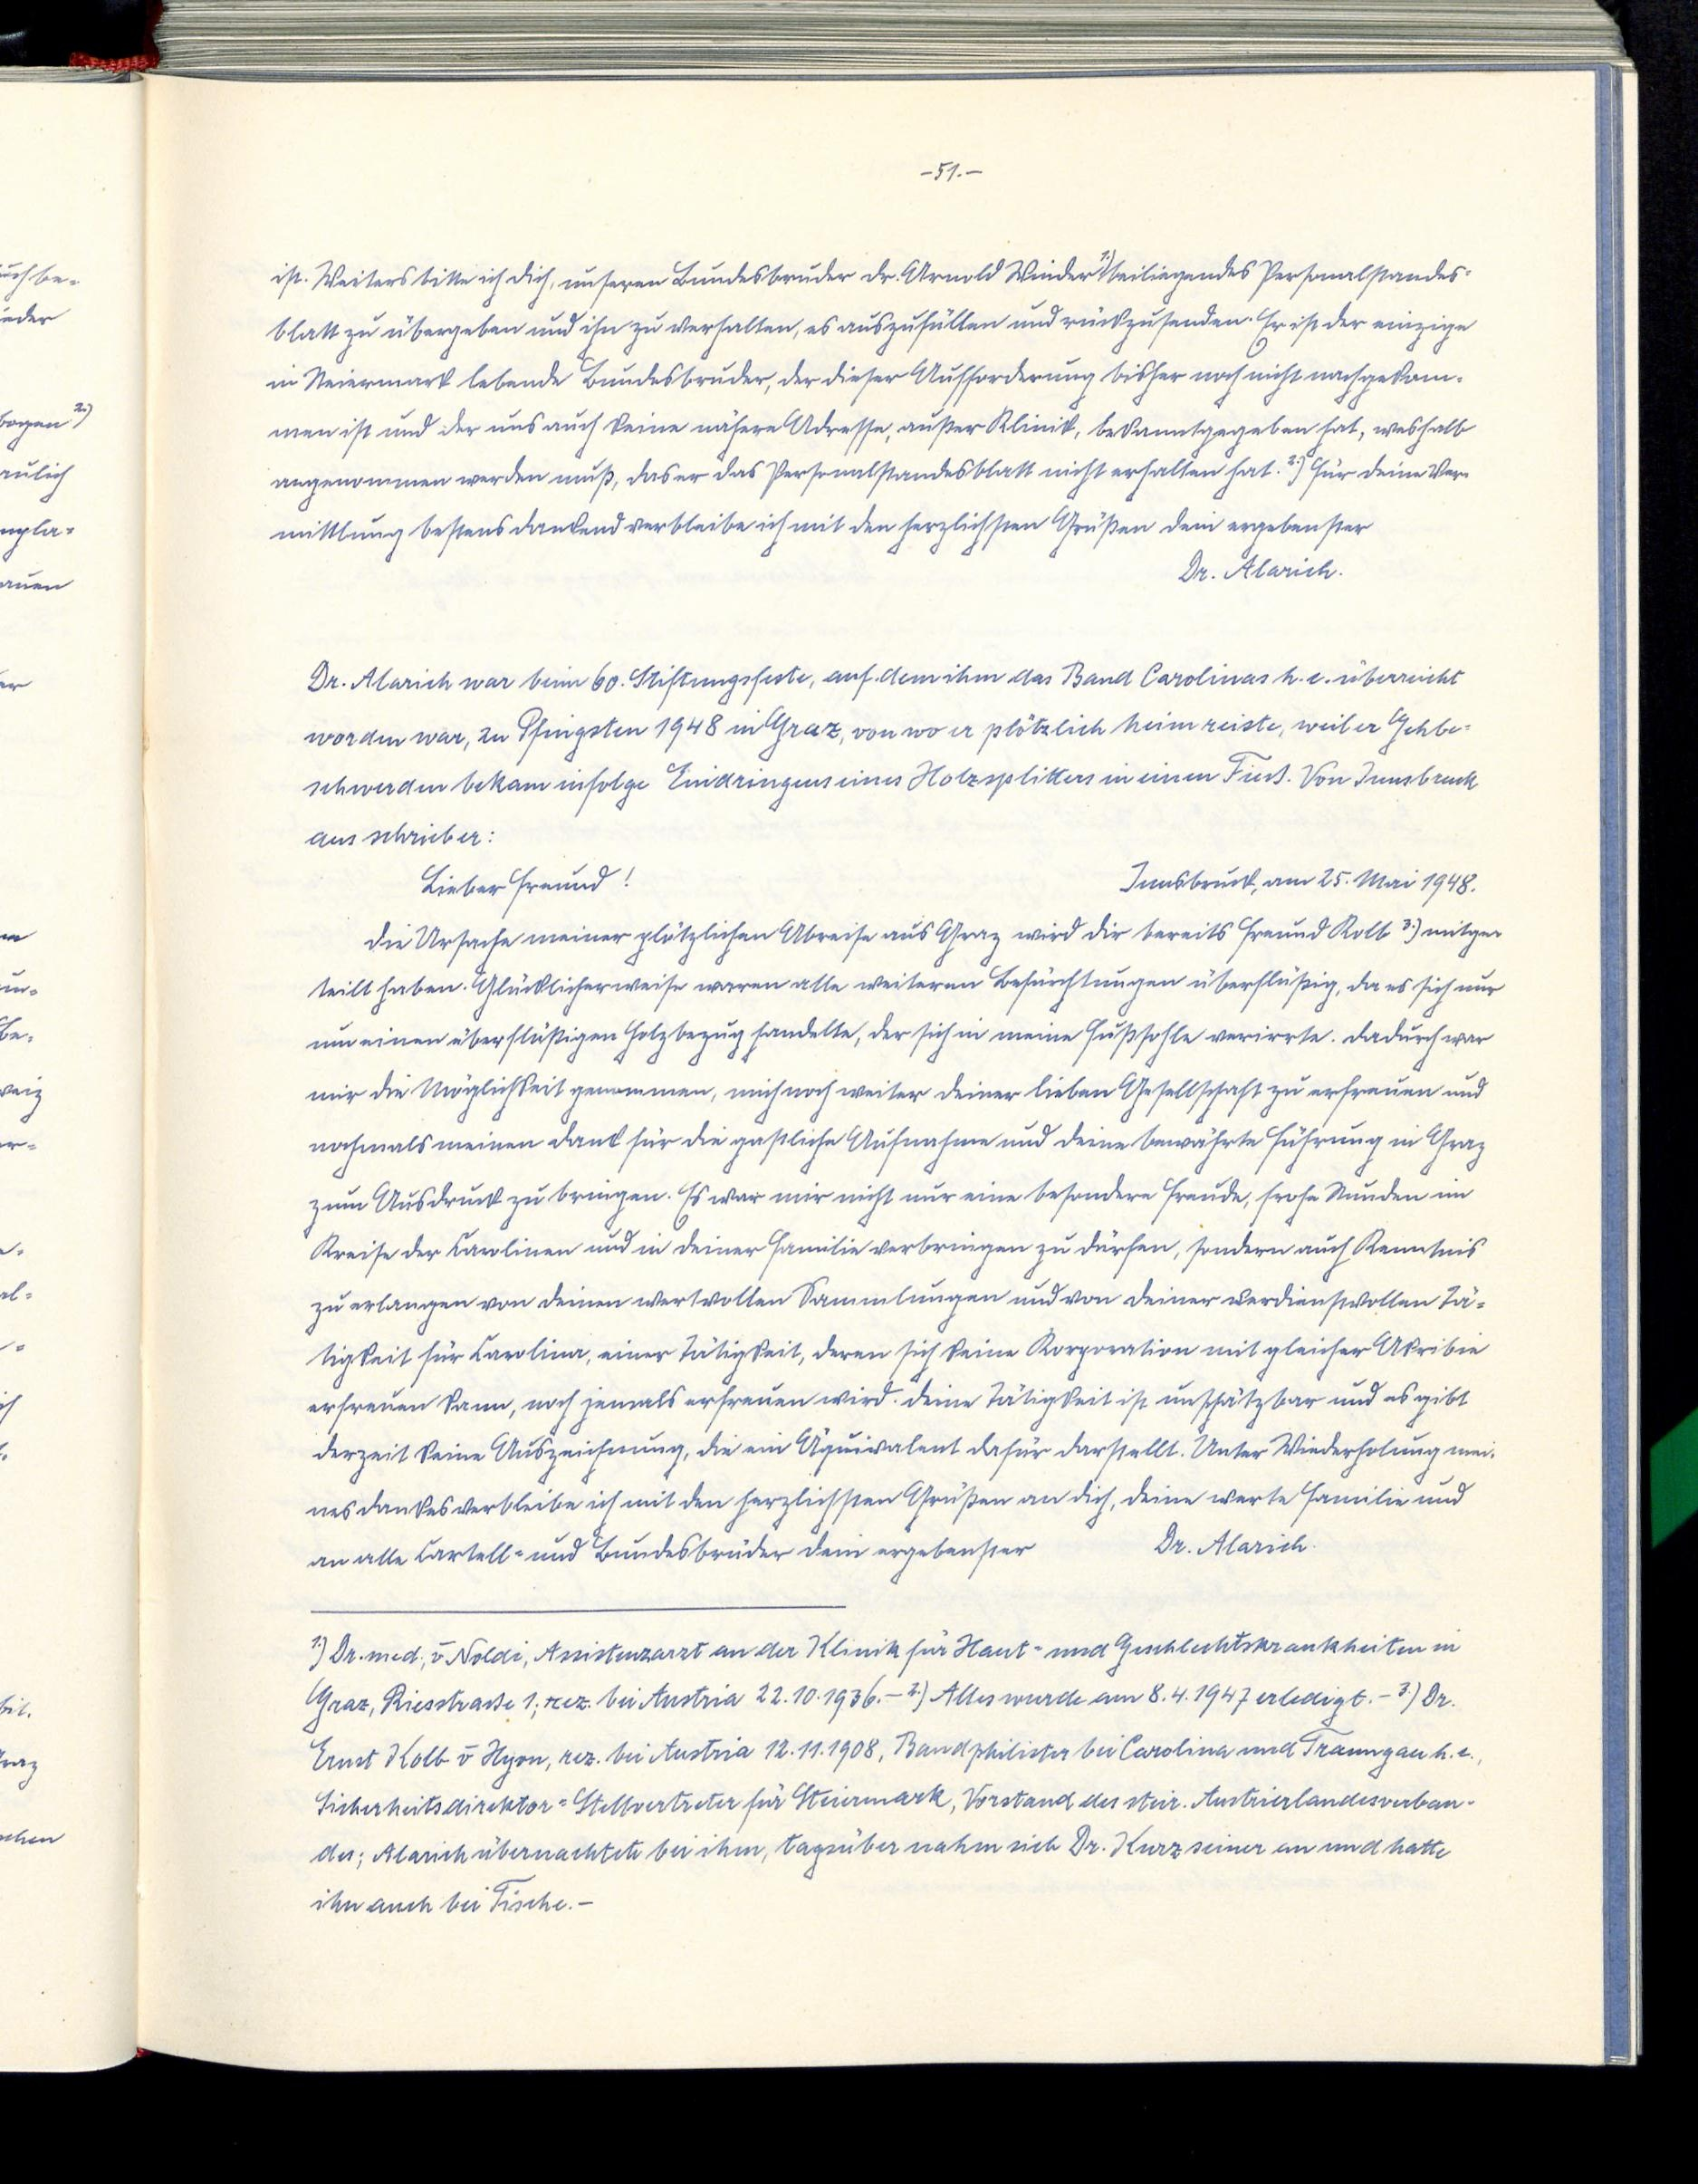51
ist. Weiters bitte ich dich, unserem Bundesbruder Dr. Arnold Winder beiliegendes Personalstandes
blatt zu übergeben und ihn zu verhalten, es auszufüllen und zurückzusenden. Er ist der einzige
in Steiermark lebenden Bundesbruder, der dieser Aufforderung bisher noch nicht nachgekom-
men ist und der uns auch keine nähere Adresse, außer Klinik, bekannt gegeben hat, weshalb
angenommen werden muß, dass er das Personalstandesblatt nicht erhalten hat. 1) Für deine Ver
mittlung bestens dankend verbleibe ich mit den herzlichsten Grüßen dein ergebenster
Dr. Alarich
Dr. Alarich war beim 60. Stiftungsfeste, auf dem ihm das Band der Carolina h. c. überreicht
worden war, zu Pfingsten 1948 in Graz, von wo er plötzlich heim reiste, weil er Gehbe-
schwerden bekam infolge Eindringens eines Holzsplitters in einen Fuß. Von Innsbruck
aus schrieb er:
Lieber Freund!
Innsbruck, am 25 Mai 1948.
Die Ursache meiner plötzlichen Abreise aus Graz wird dir bereits Freund Kolb 3) mitge-
teilt haben. Glücklicherweise waren alle weiteren Befürchtungen überflüssig, da es sich nur
um einen überflüßigen Holzbezug handelte, der sich in meine Fußsohle verirrte. Dadurch war
mir die Möglichkeit genommen, mich noch weiter deiner lieben Gesellschaft zu erfreuen und
nochmals meinen Dank für die gastliche Aufnahme und deine gewährte Führung in Graz
zum Ausdruck zu bringen. Es wäre nicht nur eine besondere Freude, frohe Stunden im
Kreise der Carolinen und den seiner Familie verbringen zu dürfen, sondern auch Kenntnis
zu erlangen von deinen wertvollen Sammlungen von deiner verdienstvollen Tä-
tigkeit für Carolina, einer Tätigkeit, deren sich keine Korporation mit gleicher Akribie
erfreuen kann, noch jemals erfreuen wird. Eine Tätigkeit ist unschätzbar und es gibt
derzeit keine Auszeichnung, die ein Äquivalent dafür darstellt. Unter Wiederholung mein-
es Dankes verbleibe ich mit den herzlichsten Grüßen an Dich, deine werte Familie und
an alle Cartell- und Bundesbrüder bei der Gegend dein ergebenster
Dr. Alarich
1) Dr. med. v/o Noldi, Assistenzarzt an der Klinik für Haut- und Geschlechtskrankheiten in
Graz, Rriestraße 1, rez. bei Austria 20.10.1936.- 2) Alles wurde am 8.4.1947 erledigt. 3) Dr.
Ernst Kolb v/o Hyon, rez. bei Austria 12.11.1908, Bandphilister bei Carolina und Traungau h. c.
Sicherheitsdirektor-Stellvertreter für Steiermark, Vorstand der steir. Austrier.andesverban-
des; Alarich übernachtete bei ihm, tagsüber nahm sich Dr. Kurz seiner an und hatte
ihn auch bei Tische.-